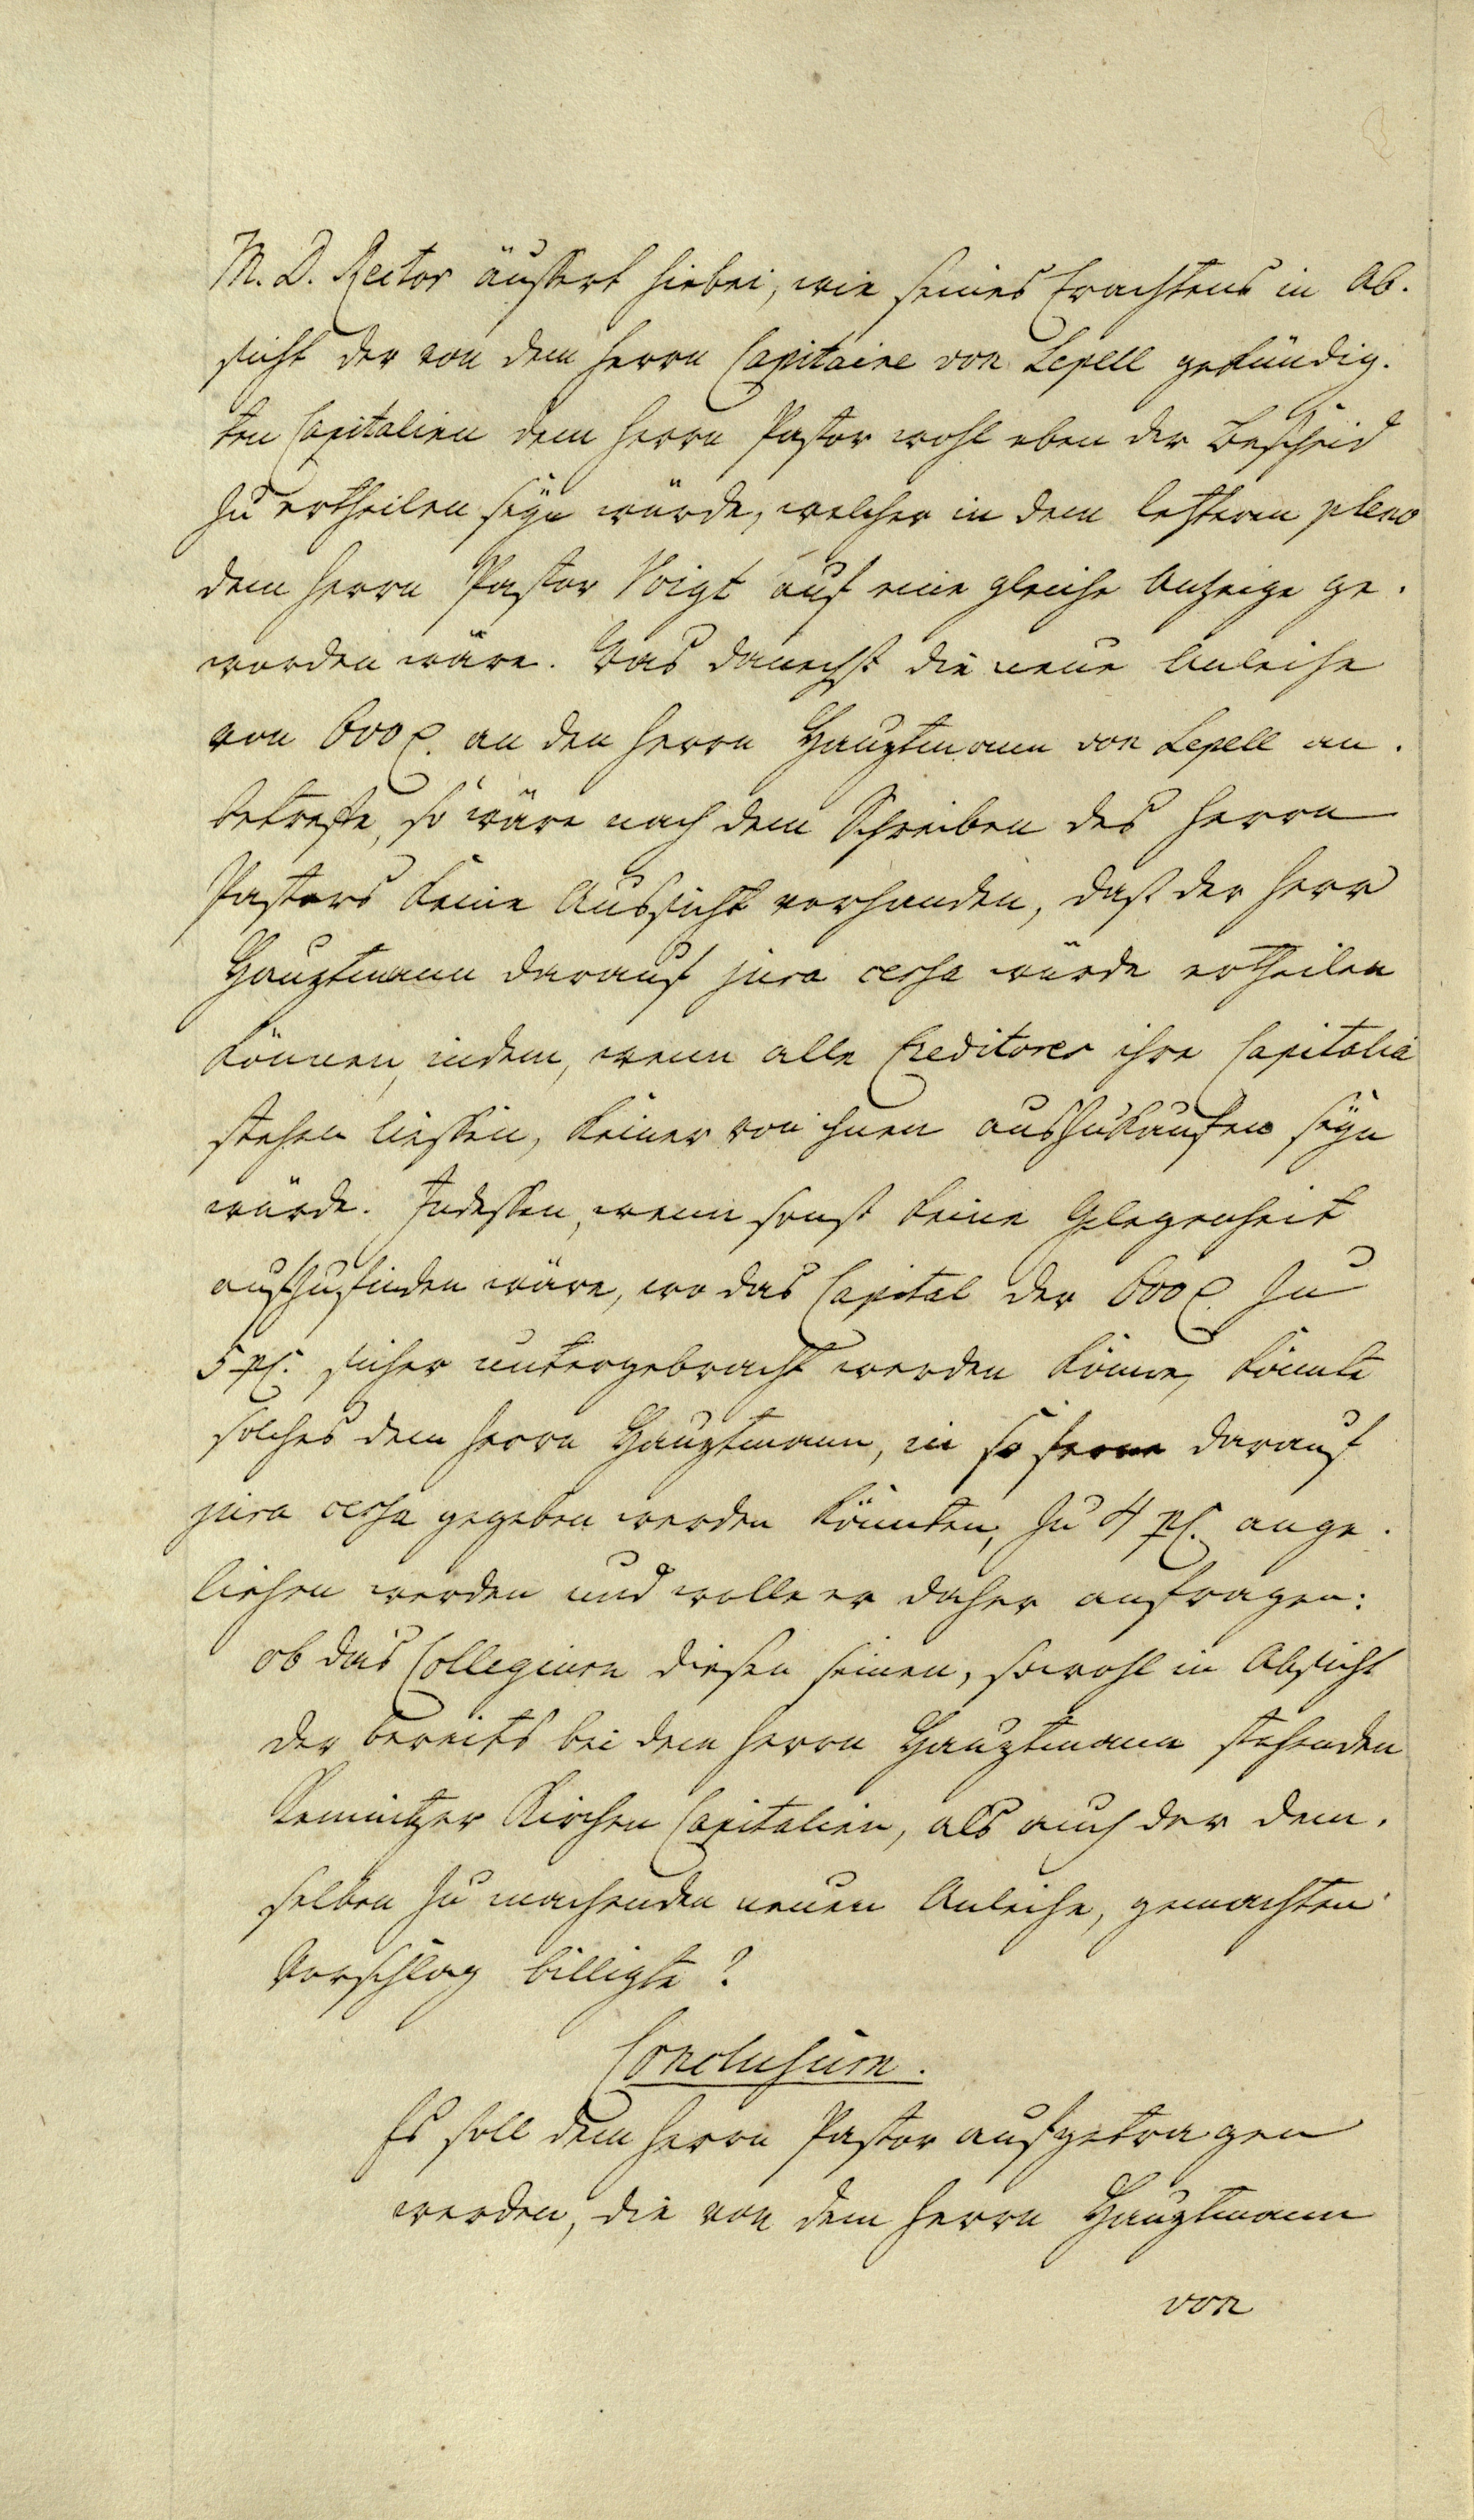M. D. Rector äussert hiebei, wie seines Erachtens in Ab¬
sicht der von dem Herrn Capitaine von Lepell gekündig¬
ten Capitalien dem Herrn Pastor wohl eben der Bescheid
zu ertheilen seyn würde, welcher in dem letzteren pleno
dem Herrn Pastor Voigt auf eine gleiche Anzeige ge¬
worden wäre. Was danechst die neue Anleihe
von 600 l. an den Herrn Hauptmann von Lepell an¬
betreffe, so wäre nach dem Schreiben des Herrn
Pastors keine Aussicht vorhanden, daß der Herr
Hauptmann darauf jura cessa würde ertheilen
können, indem, wenn alle Creditores ihre Capitalia
stehen liessen, keiner von ihnen auszukaufen seÿn
würde. Indessen, wenn sonst keine Gelegenheit
aufzufiden wäre, wo das Capital der 600 l. zu
5 pl. sicher untergebracht werden könne, könnte
solches dem Herrn Hauptmann, in so ferne darauf
jura cessa gegeben werden könnten, zu 4 pl. ange¬
liehen werden und wolle er daher anfragen:
ob das Collegium diesen seinen, sowohl in Absicht
der bereits bei dem Herrn Hauptmann stehenden
Kemnitzer Kirchen Capitalien, als auch der dem¬
selben zu machenden neuen Anleihe, gemachten.
Vorschlag billegte?
Conclusum.
Es soll dem Herrn Pastor aufgetragen
werden, die von dem Herrn Hauptmann
von